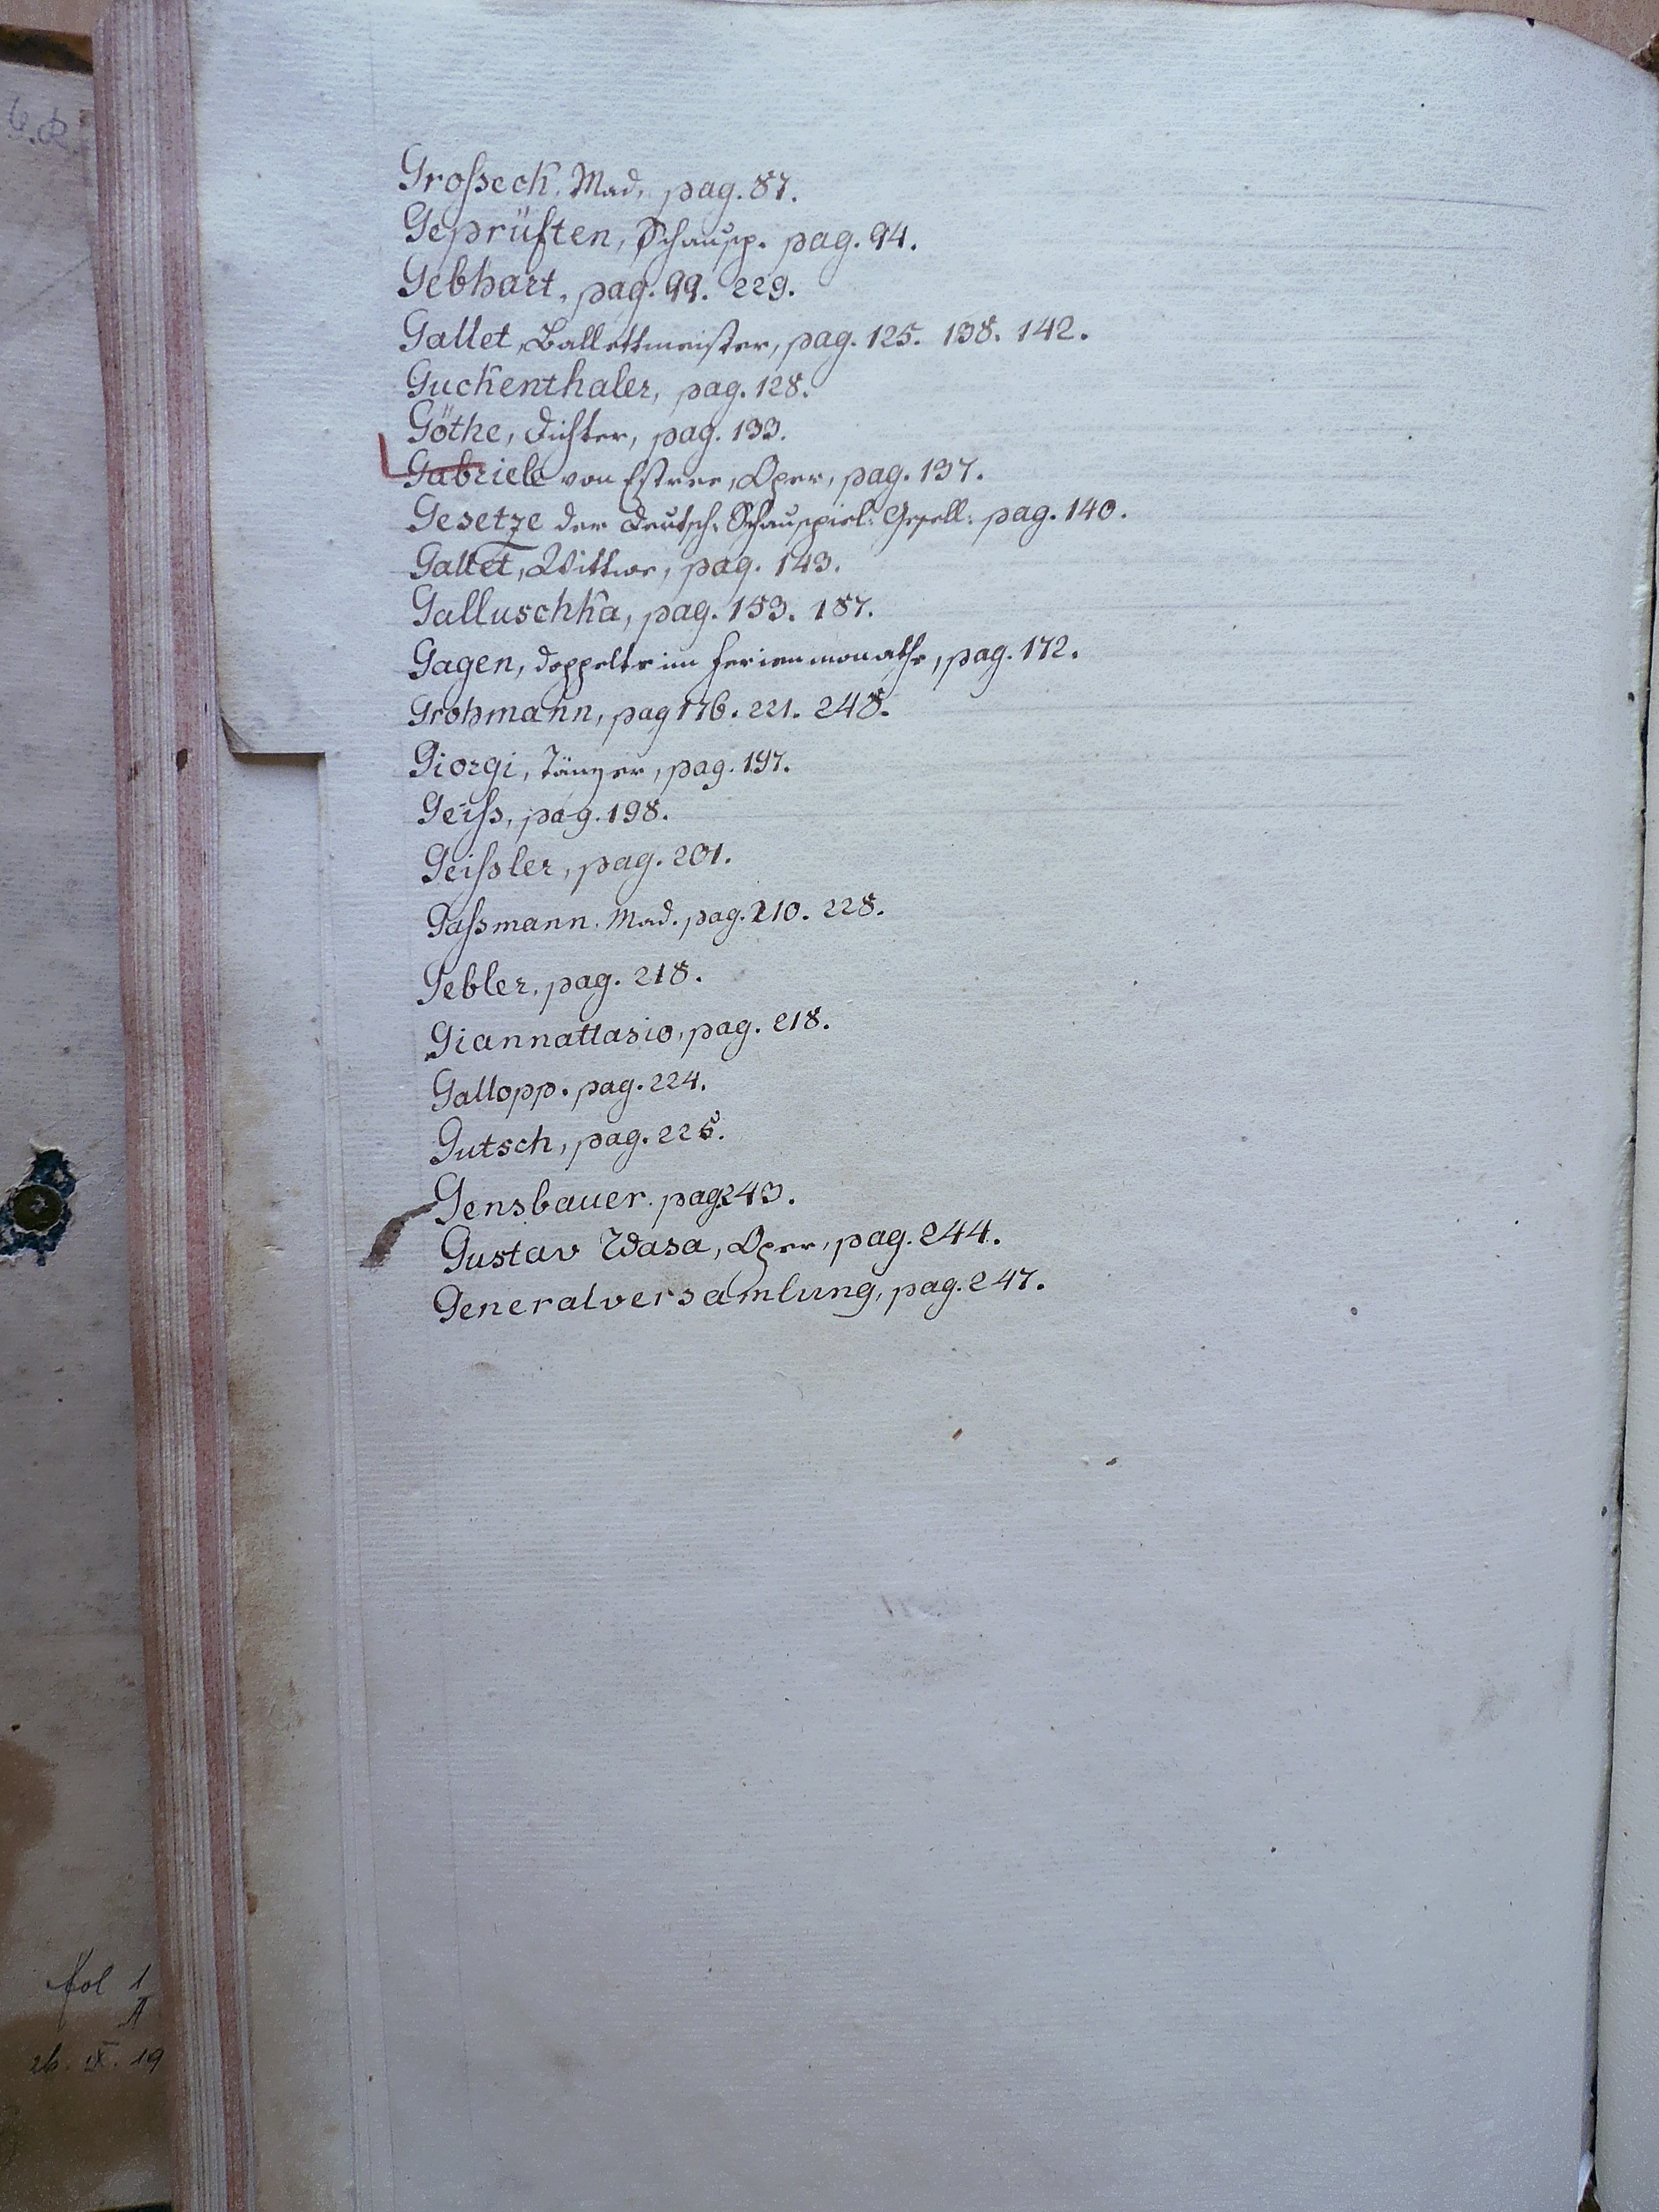Grosseck, Mad, pag. 87.
Geprüften, Schausp. pag. 94.
Gebhart, pag. 99. 229.
Gallet, Ballettmeister, pag. 125. 138. 142.
Guckenthaler, pag. 128.
Göthe, Dichter, pag. 133.
Gabriele von Estree, Oper, pag. 137.
Gesetze der Deutsch: Schauspiel: Gesell: pag. 140.
Gallet, Wittwe, pag. 143.
Galluschka, pag. 153. 187.
Gagen, doppelte im Ferienmonathe, pag. 172.
Grohmann, pag. 176. 221. 248.
Giorgi, Tänzer, pag. 197.
Geiss, pag. 198.
Geissler, pag. 201.
Gassmann, Mad. pag. 210. 228.
Gebler, pag. 218.
Giannattasio, pag. 218.
Gallopp. pag. 224.
Gutsch, pag. 225.
Gensbauer. pag.243.
Gustav Wasa, Oper, pag. 244.
Generalversamlung, pag. 247.